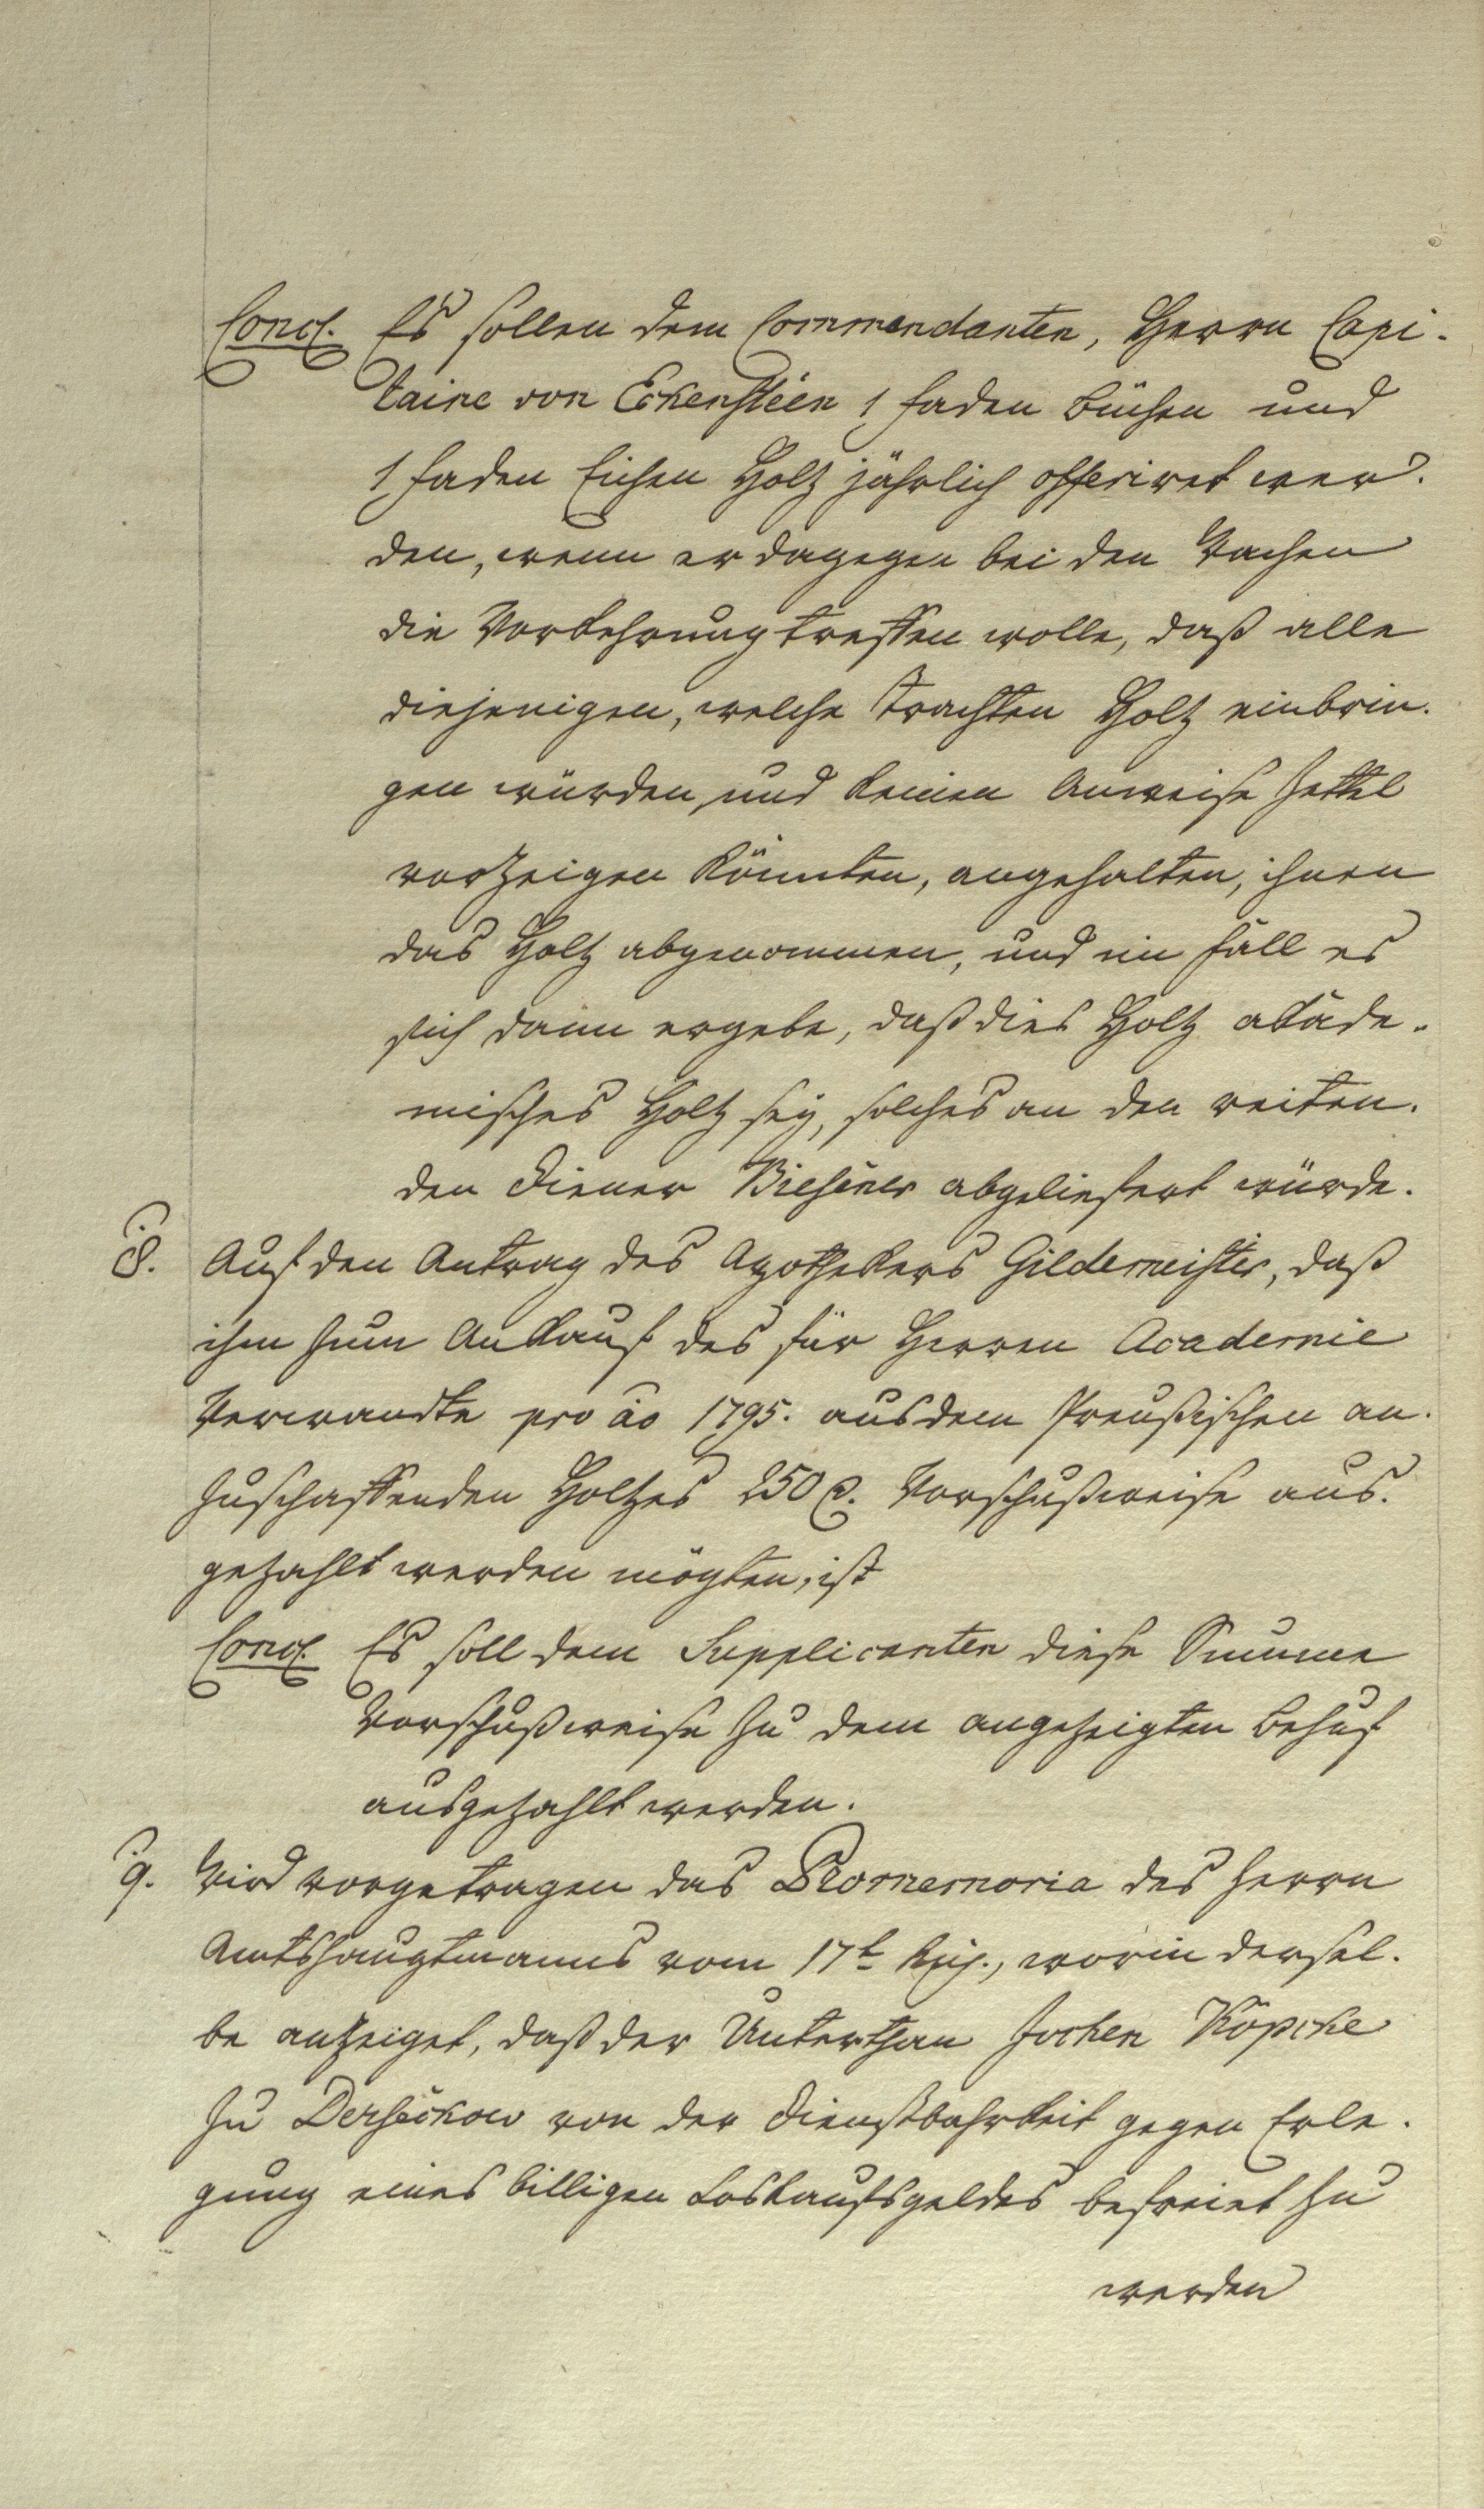Concl. Es sollen dem Commandanten, Herrn Capi¬
taine von Eckensteén 1 Faden Buchen und
1 Faden Eichen Holz jährlich offeriret wer¬
den, wenn er dagegen bei den Wachen
die Vorkehrung treffen wolle, daß alle
diejenigen, welche Trachten Holz einbrin¬
gen würden und keinen Anweise Zettel
vorzeigen könnten, angehalten, ihnen
das Holz abgenommen, und im Fall es
sich dann ergebe, daß dies Holz akade¬
misches Holz seÿ, solches an den reiten¬
den Diener Biesener abgeliefert würde.
8. Auf den Antrag des Apothekers Gildemeister, daß
ihm zum Ankauf des für Herren Academie
Verwandte pro ao 1795. aus dem Preußischen an¬
zuschaffenden Holzes 250 l. Vorschußweise aus¬
gezahlt werden mögten, ist
Concl. Es soll dem Supplicanten diese Summe
Vorschußweise zu dem angezeigten Behuf
ausgezahlt werden.
9. Wird vorgetragen das Promemoria des Herrn
Amtshauptmanns vom 17 t huj., worin dersel¬
te anzeiget, daß der Unterthan Jochen Köpcke
zu Derseckow von der Dienstbahrkeit gegen Erle¬
gung eines billigen Loskaufsgeldes befreiet zu
werden